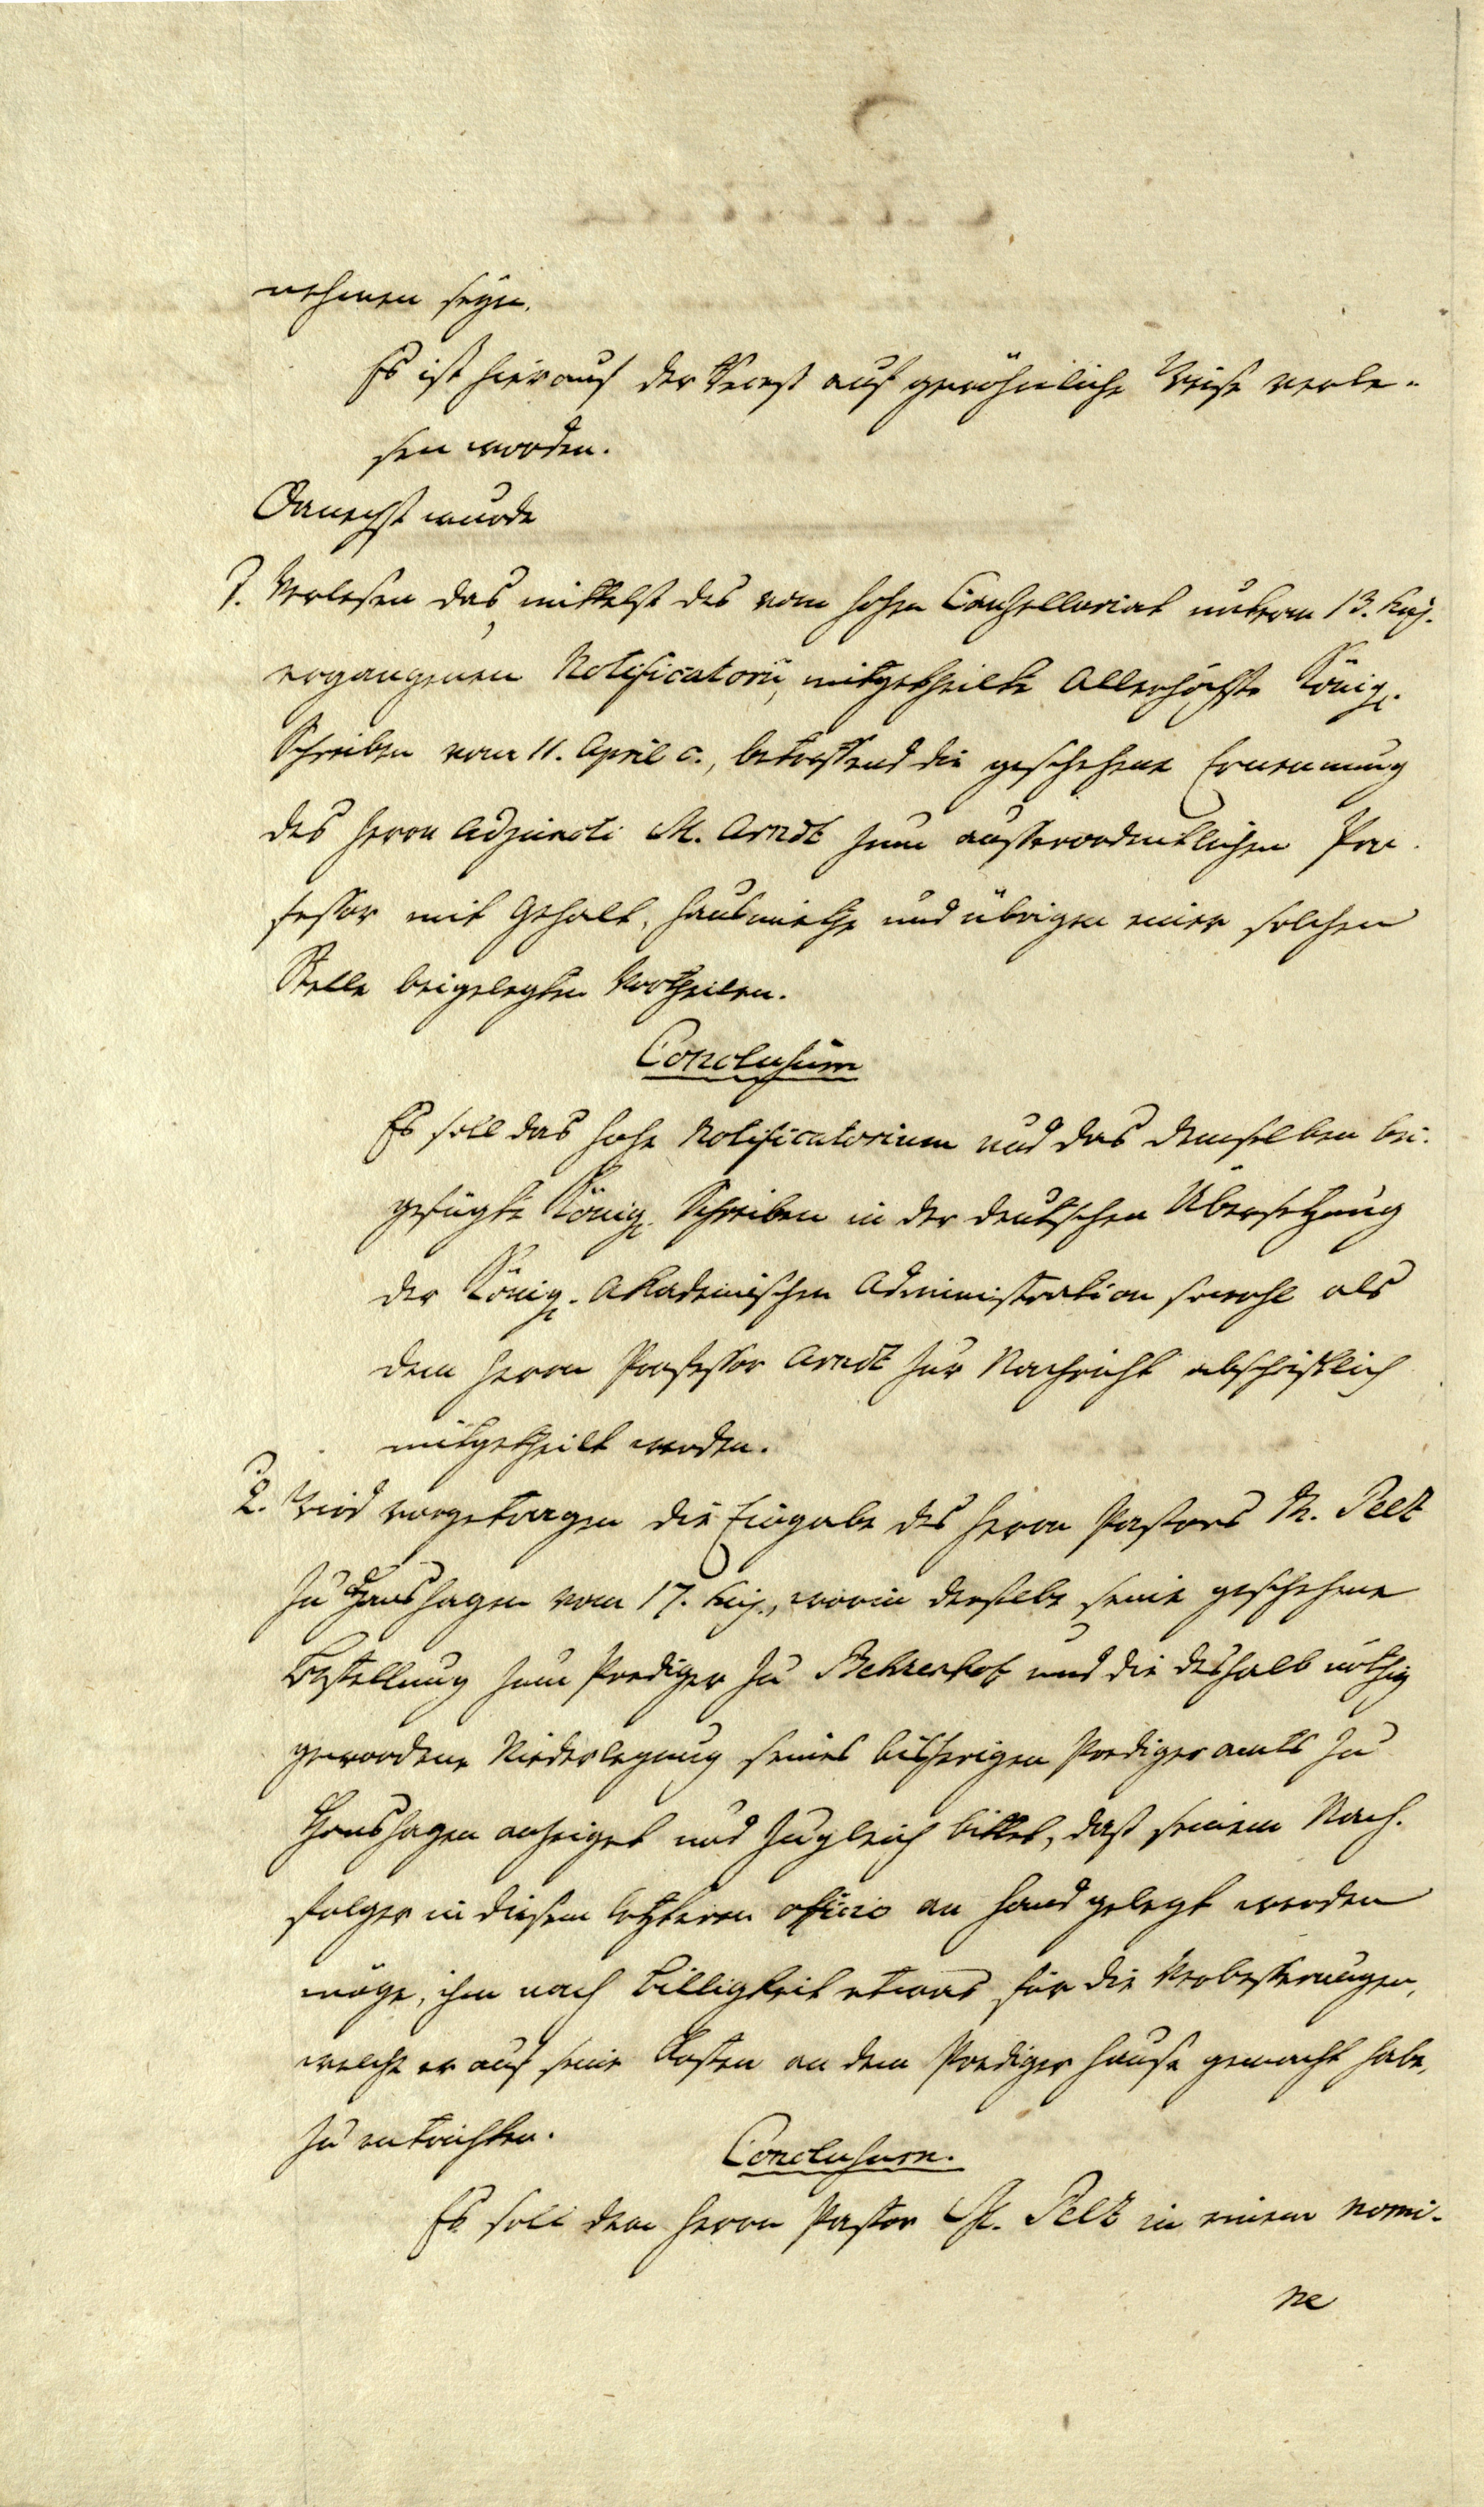nehmen seÿn.
Es ist hierauf der Receß auf gewöhnliche Weise verle¬
sen worden.
Danechst wurde
1. Verlesen das mittelst vom hohen Canzellariat unterm 13. huj.
ergangenen Notificatorii, mitgetheilte Allerhöchste Königl.
Schreiben vom 11. April c., betreffend die geschehene Ernennung
des herrn Adjuncti M. Arndt zum ausserordentlichen Pro¬
fessor mit Gehalt, hausmiethe und übrigen einer solchen
Stelle beigelegten Vortheilen.
Conclusum
Es soll das hohe Notificatorium und das demselben bei¬
gefügte König. Schreiben in der deutschen Übersetzung
der König. Akademischen Administration sowohl als
dem herrn Professor Arndt zur Nachricht abschriftlich
mitgetheilt werden.
2. Wird vorgetragen die Eingabe des herrn Pastors M. Pelz
zu Hanshagen vom 17. huj., worin derselbe seine geschehene
Bestellung zum Prediger zu Behrenhof und die deshalb nöthig
gewordene Niederlegung seines bisherigen Predigeramts zu
Hanshagen anzeiget und zugleich bittet, daß seinem Nach¬
folger in diesem letzteren officio an hand gelegt werden
möge, ihm nach Billigkeit etwas für die Verbesserungen,
welche er auf seine Kosten an dem Prediger hause gemacht habe,
zu entrichten.
Conclusum.
Es soll dem Pastor M. Pelz in einem nomi¬
ne